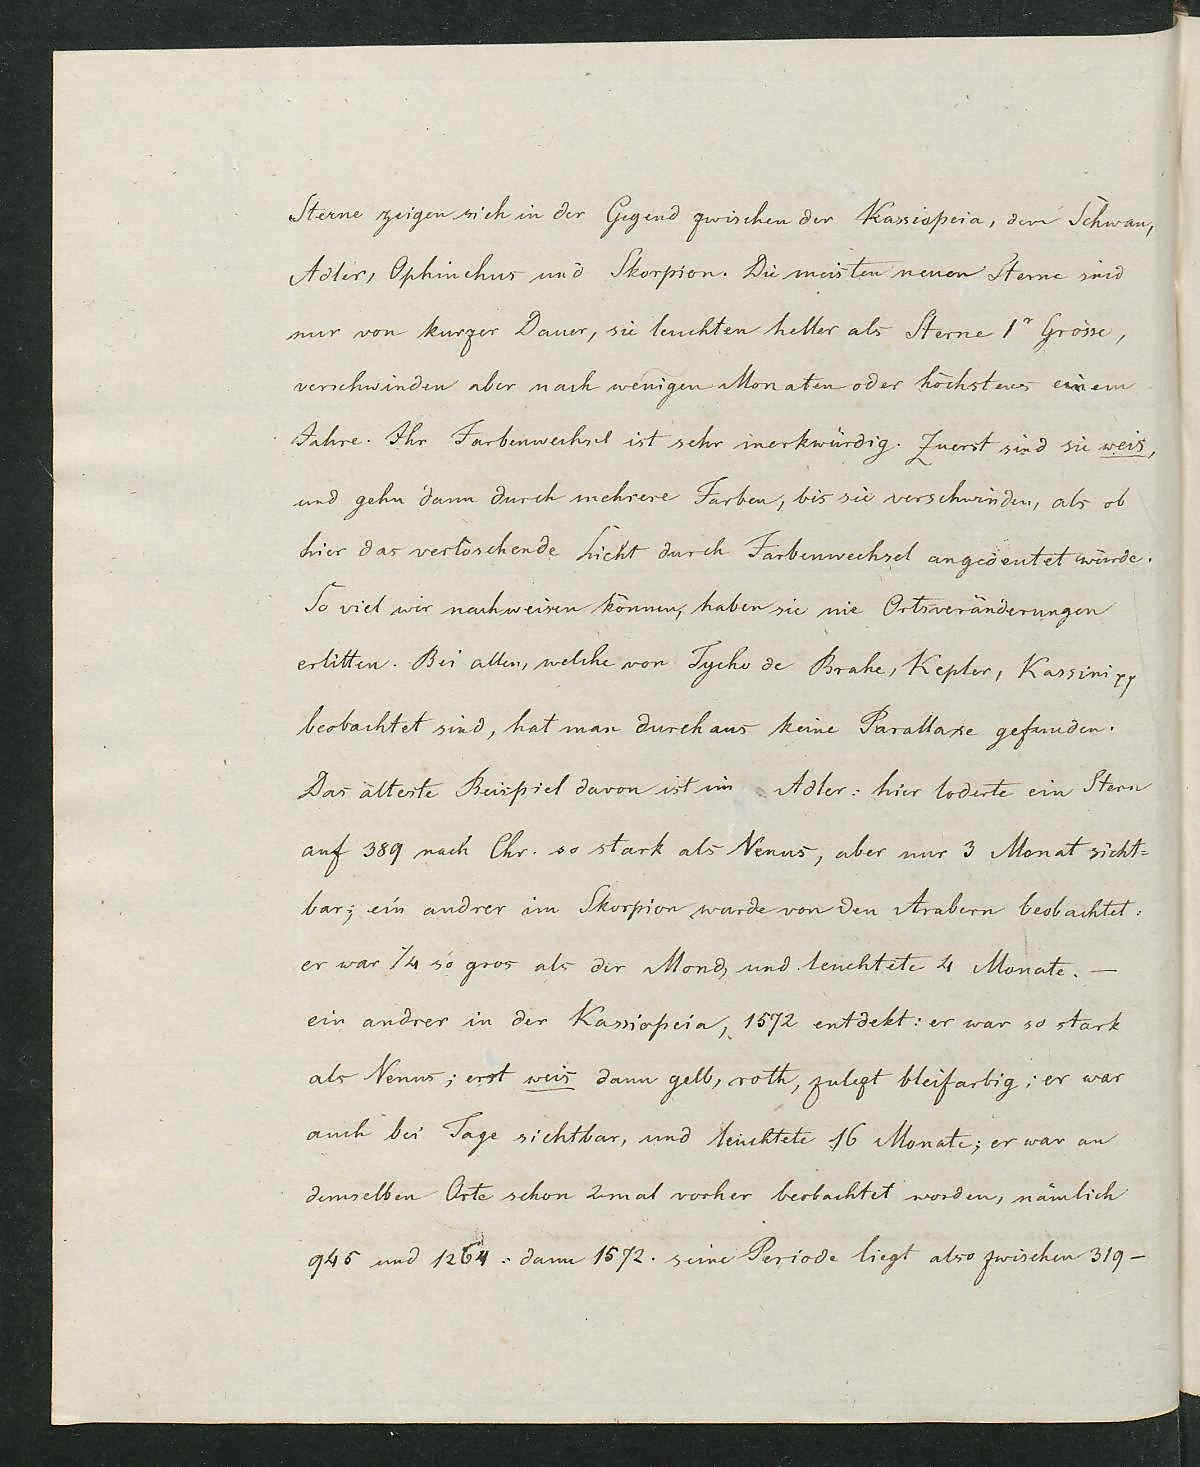Sterne zeigen sich in der Gegend zwischen der Kassiopeia, dem Schwan,
Adler, Ophiuchus und Skorpion. Die meisten neuen Sterne sind
nur von kurzer Dauer, sie leuchten heller als Sterne 1￼ Grösse,
verschwinden aber nach wenigen Monaten oder höchstens einem
Jahre. Ihr Farbenwechsel ist sehr merkwürdig. Zuerst sind sie weis,
und gehn dann durch mehrere Farben, bis sie verschwinden, als ob
hier das verlöschende Licht durch Farbenwechsel angedeutet würde.
So viel wir nachweisen können, haben sie nie Ortsveränderungen
erlitten. Bei allen, welche von Tycho de Brahe, Kepler, Kassini pp
beobachtet sind, hat man durchaus keine Parallaxe gefunden.
Das älteste Beispiel davon ist im Adler: hier loderte ein Stern
auf 389 nach Chr. so stark als Venus, aber nur 3 Monat sicht-
bar; ein andrer im Skorpion wurde von den Arabern beobachtet:
er war ¼ so gros als der Mond, und leuchtete 4 Monate. –
ein andrer in der Kassiopeia, 1572 entdekt: er war so stark
als Venus; erst weis dann gelb, roth, zulezt bleifarbig; er war
auch bei Tage sichtbar, und leuchtete 16 Monate; er war an
demselben Orte schon 2 mal vorher beobachtet worden, nämlich
945 und 1264: dann 1572. seine Periode liegt also zwischen 319